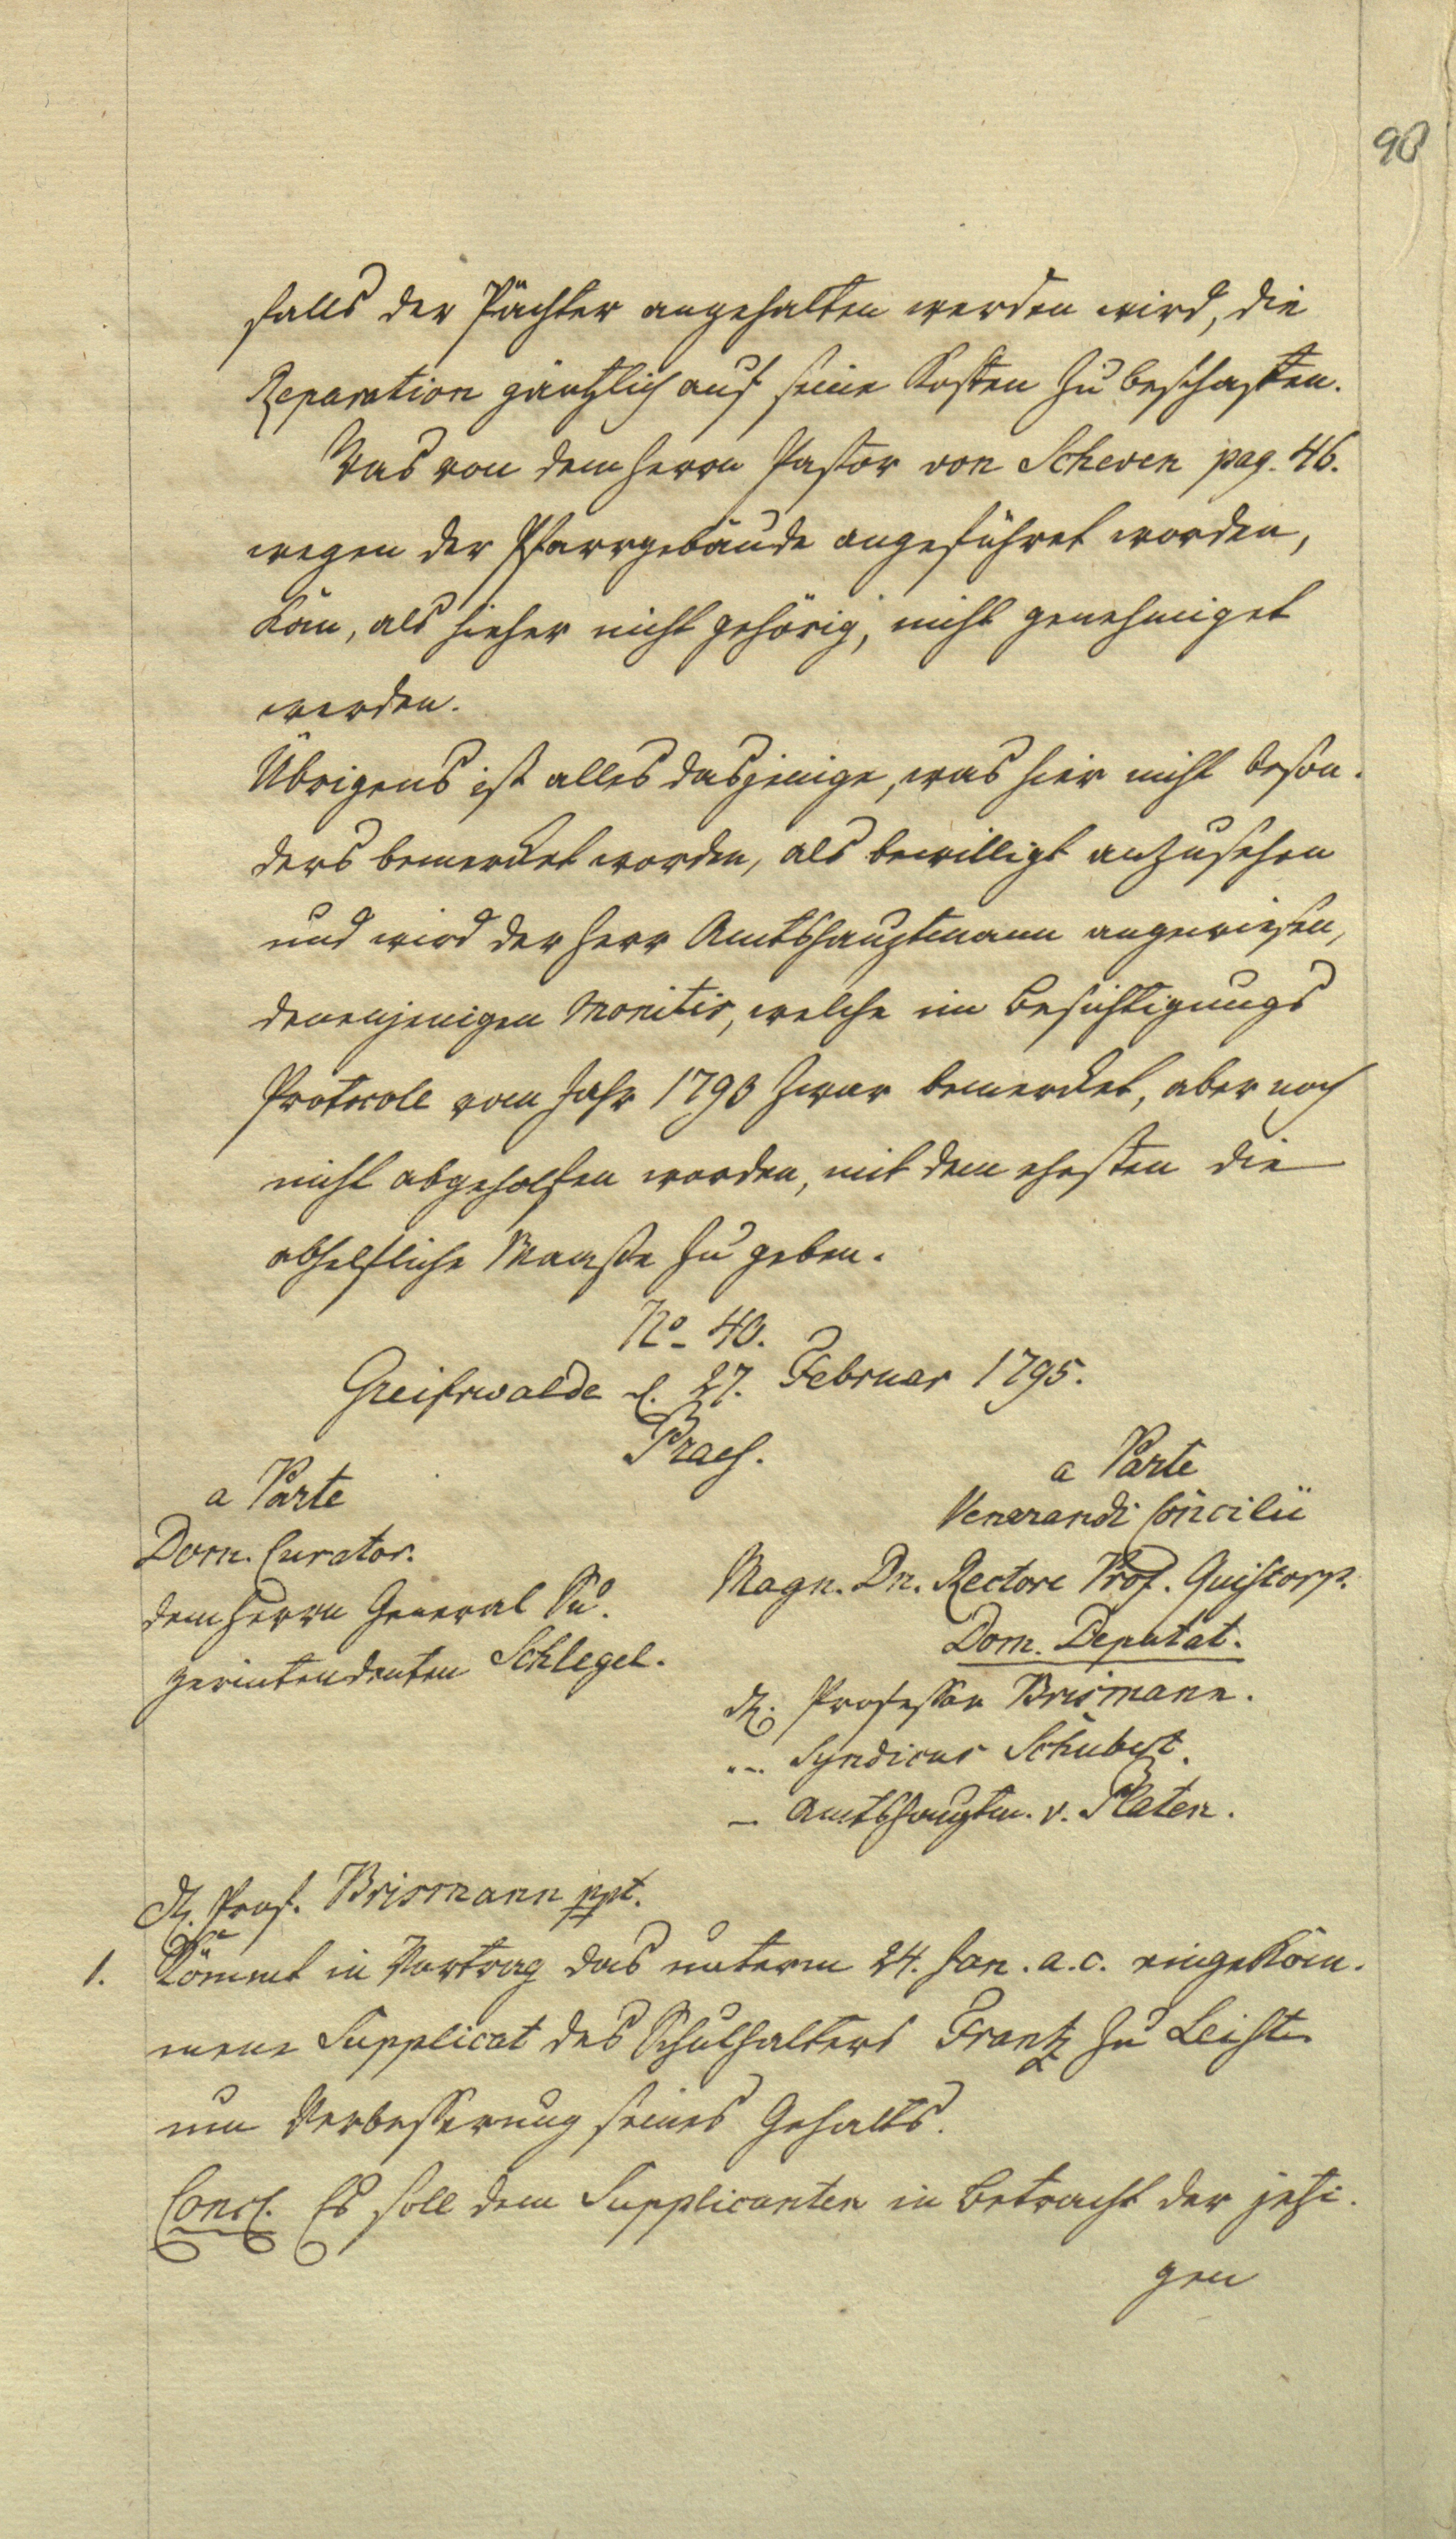falls der Pächter angehalten werden wird, die
Reparation gäntzlich auf seine Kosten zu beschaffen.
Was von dem Herrn Pastor von Scheven pag. 46.
wegen der Parrgebäude angeführet worden,
kan, als hieher nicht gehörig, nicht genehmiget
werden.
Übrigens ist alles dasjenige was hier nicht beson¬
ders bemercket worden, als bewilligt anzusehen
und wird der Herr Amtshauptmann angewiesen,
denenjenigen Monitis, welche im Besichtigungs
Protocoll vom Jahr 1793 zwar bemercket, aber noch
nicht abgeholfen worden, mit dem ehesten die
abhelfliche Maaße zu geben.
No 40.
Greifswalde d. 27. Februar 1795.
Praes.
a Parte a Parte
Dom. Curator. Venerandi Concilii
dem Herrn General Su¬ Magn. Dn. Rectore Prof. Quistorp.
perintendenten Schlegel. Dom. Deputat.
dh. Professor Brismann.
Sÿndicus Schubert.
Amtshauptm. v. Platen.
Dh. Prof. Brismann ppt.
1. Kömmt in Vortrag das unterm 24. Jan. a. c. eingekom¬
mene Supplicat des Schulhalters Frantz zu Leisten
um Verbesserung seines Gehalts.
Concl. Es soll dem Supplicanten in Betracht der jetzi¬
gen